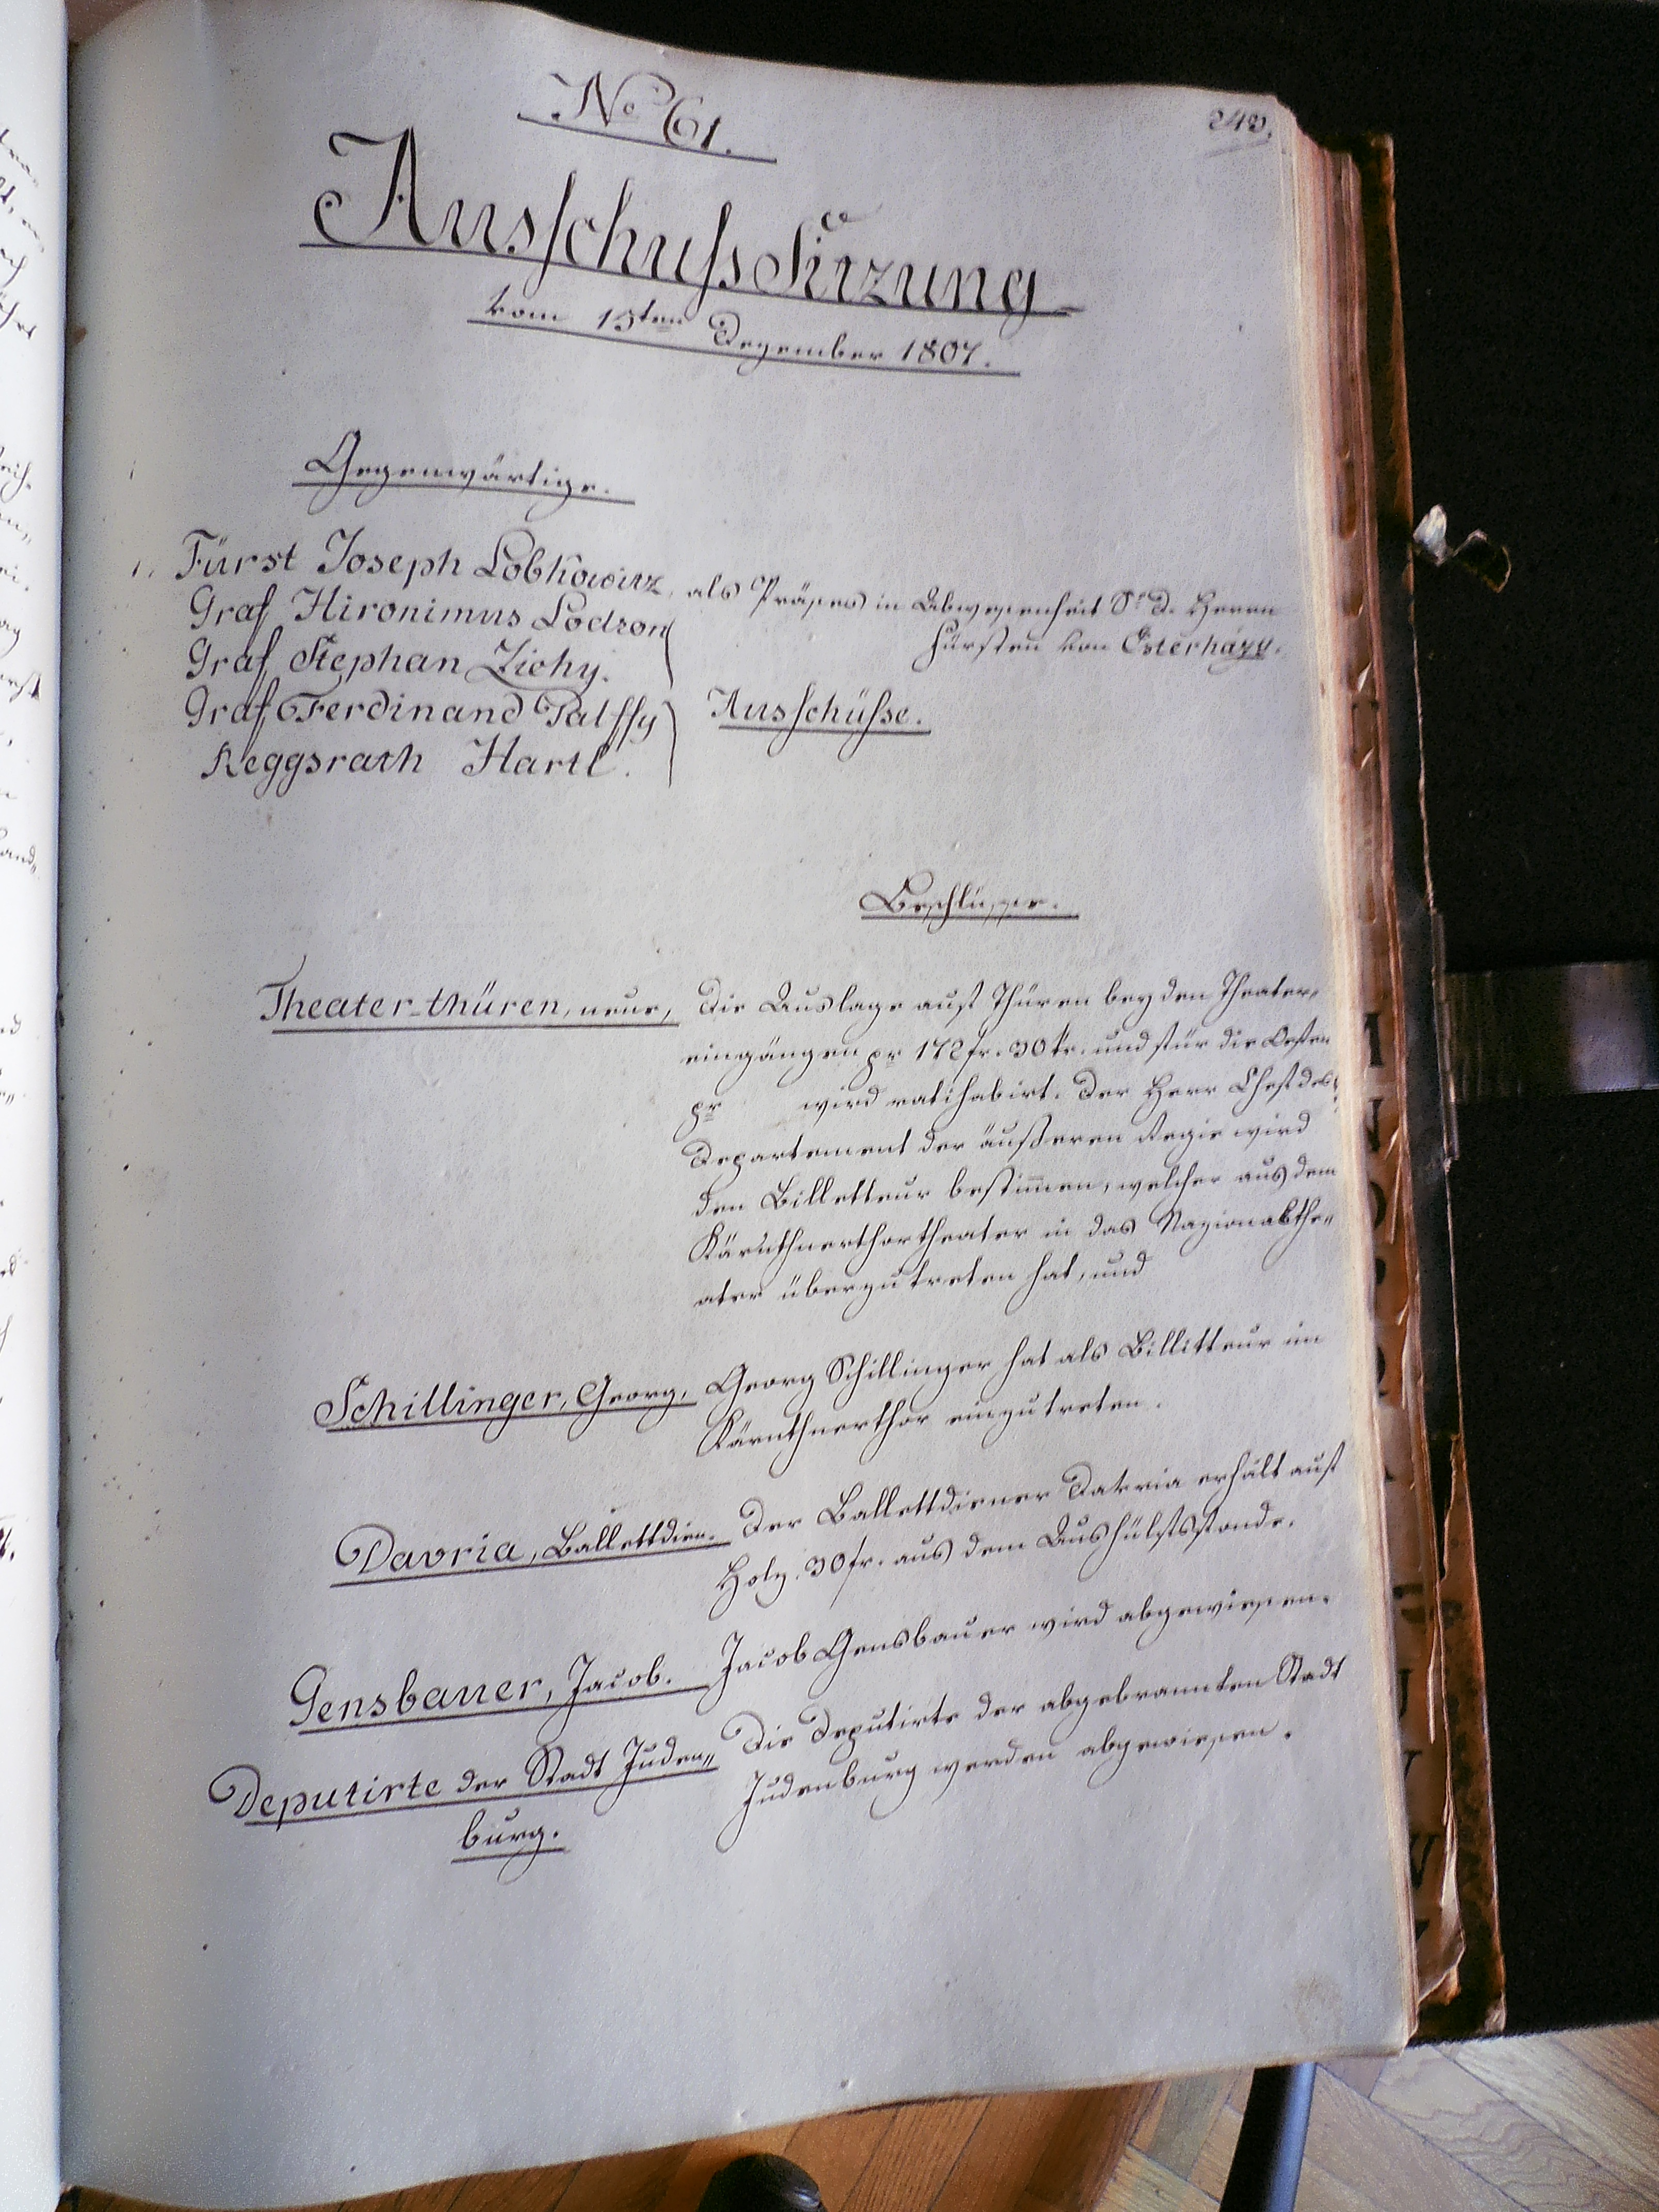243.
No͇ 61.
Ausschuss Sitzung
vom 15te͇n Dezember 1807.
Gegenwärtige.
Fürst Joseph Lobkowitz als Präses in Abwesenheit Se͇ d. Herrn
Fürsten von Esterházy.
Graf Hironimus Lodron
Graf Stephan Zichy.
Graf Ferdinand Palffy
Reggsrath Hartl.
Ausschüsse.
Beschlüsse.
Theater_thüren, neue, Die Auslage auf Thüren bey den Theater¬
eingängen pr͇ 172fr. 30kr, und für die Oefen
pr͇ wird ratihabirt. Der Herr Chef des
Departement der äußeren Regie wird
den Billetteur bestim̅en, welcher aus dem
Kärnthnerthortheater in das Nazionalthe¬
ater überzutreten hat, und
Schillinger, Georg. Georg Schillinger hat als Billitteur im
Kärnthnerthor einzutreten.
Davria, Ballettdien. Der Balletdiener Davria erhält auf
Holz 30fr. aus dem Aushülfsfonde.
Gensbauer, Jacob. Jacob Gensbauer wird abgewiesen.
Deputirte der Stadt Juden¬
burg.
Die Deputirte der abgebrannten Stadt
Judenburg werden abgewiesen.